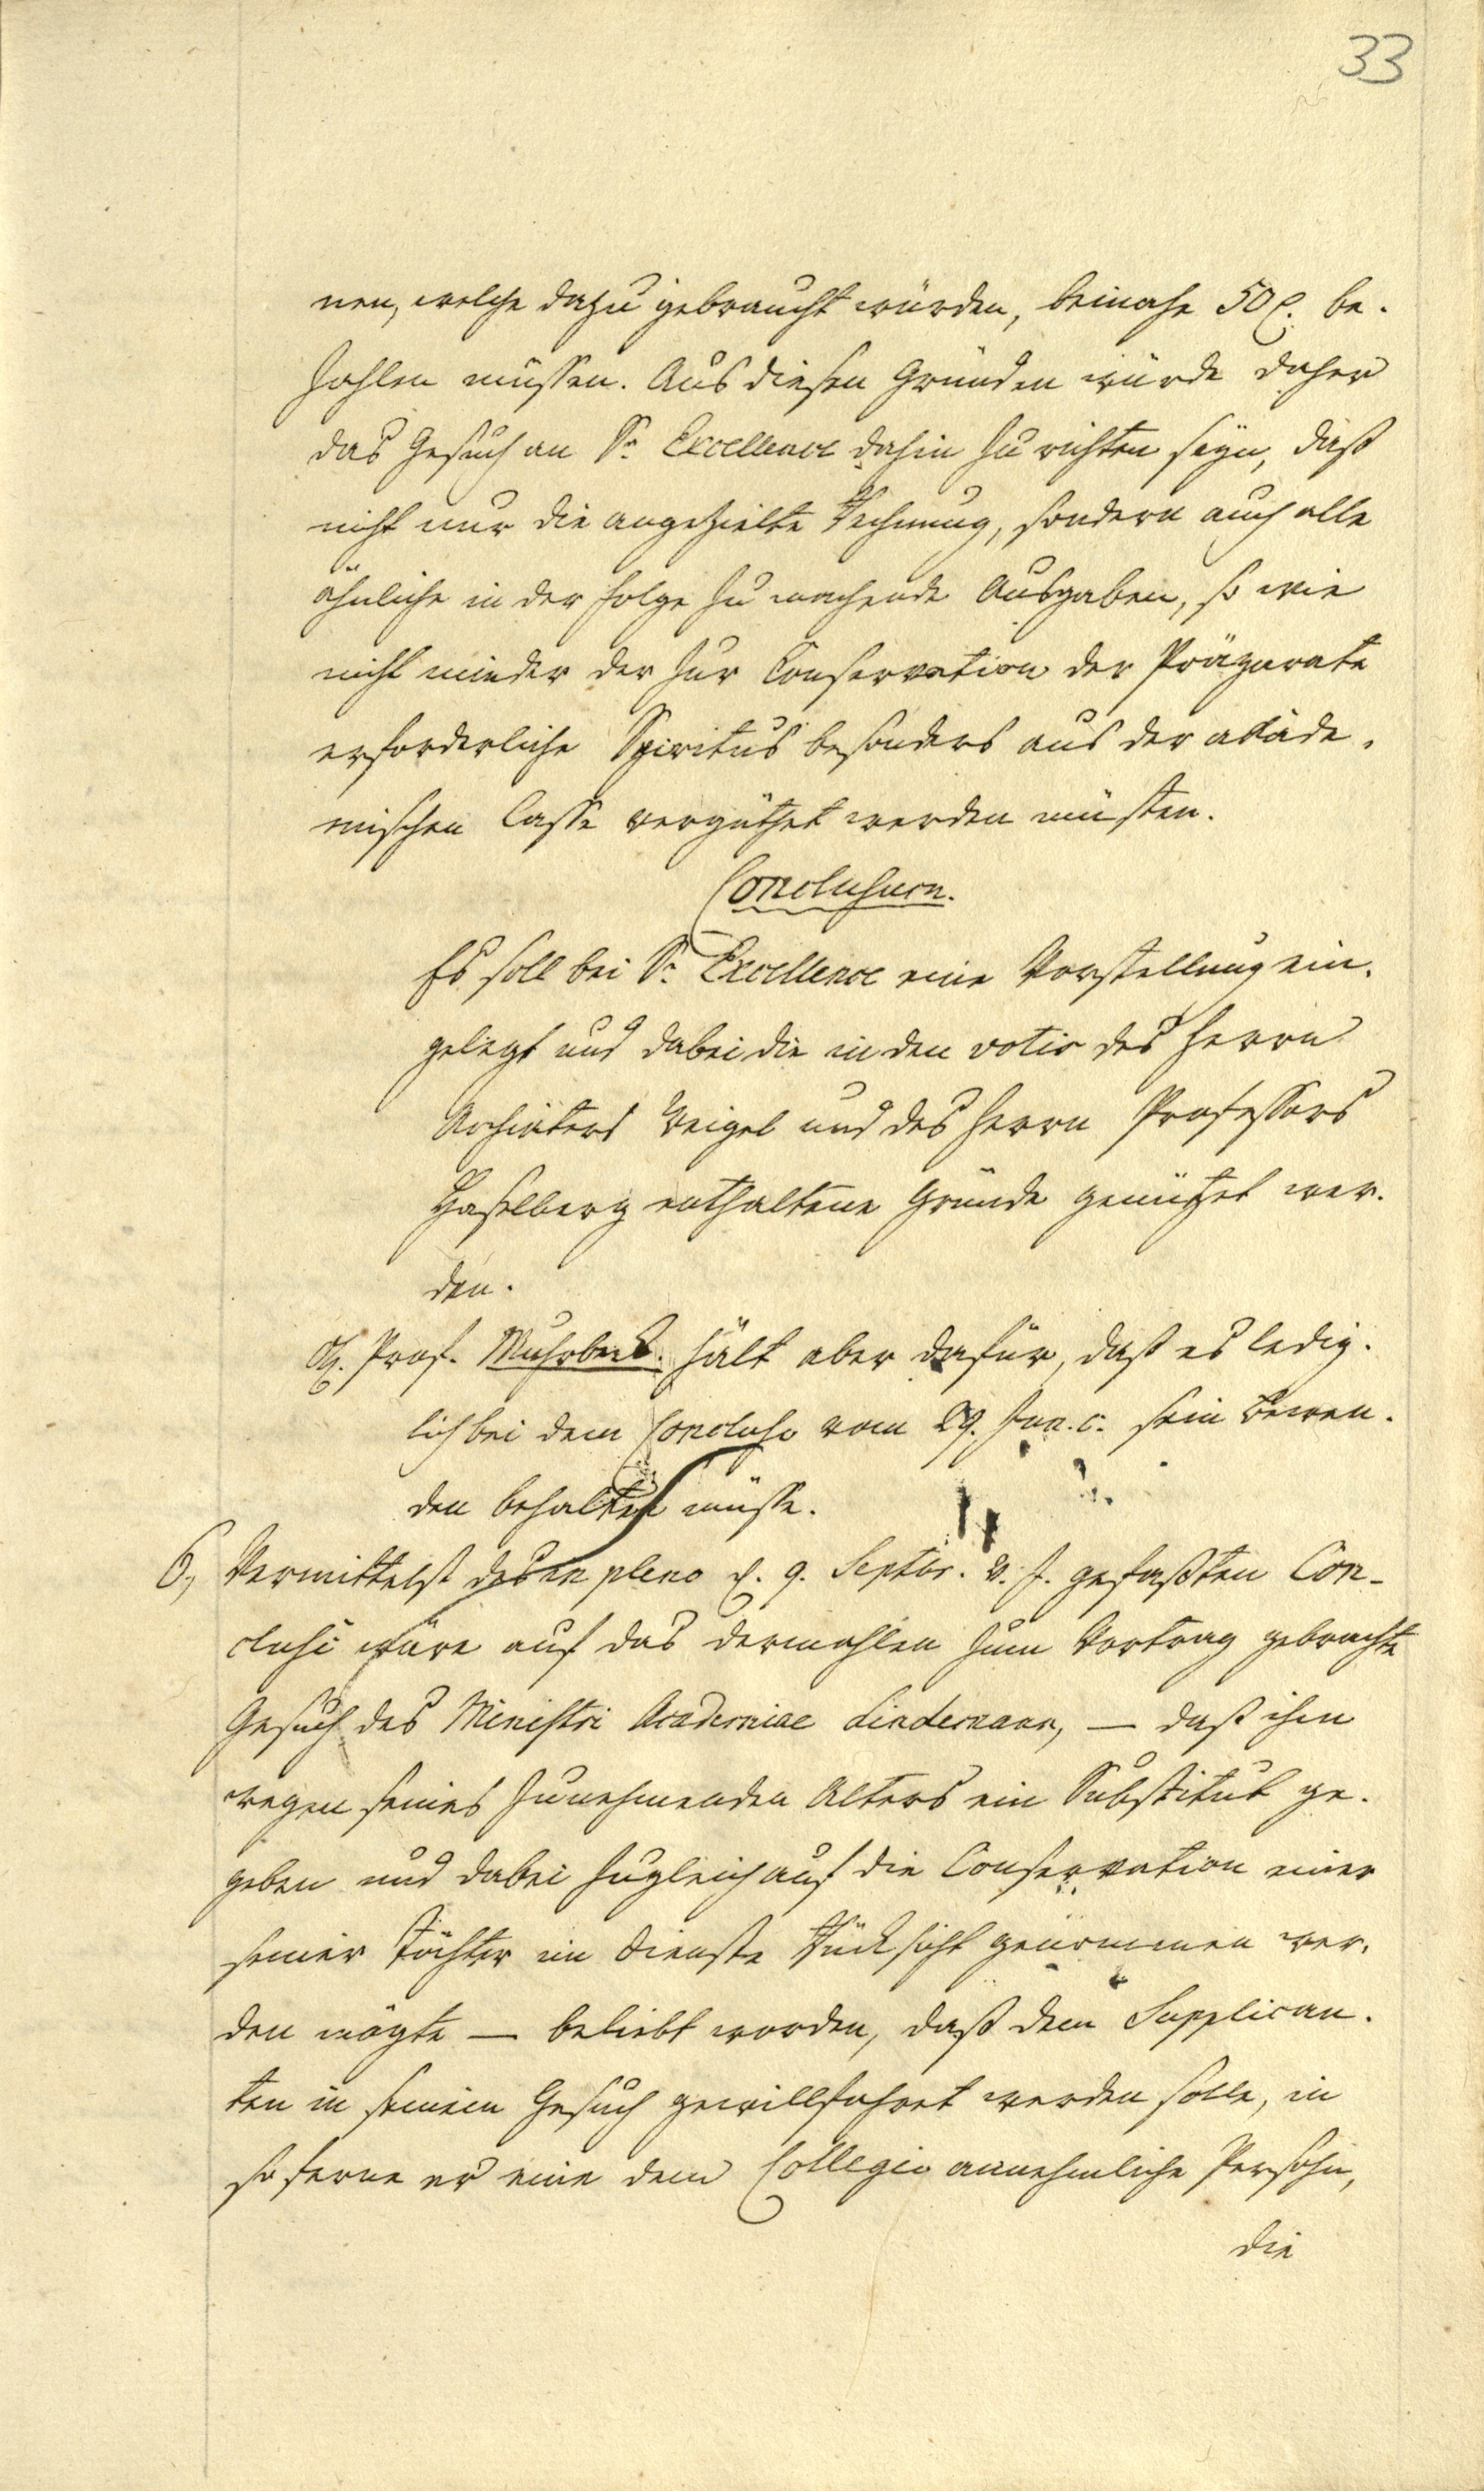nen, welche dazu gebraucht würden, beinahe 50 l. be¬
zahlen müssen. Aus diesen Gründen würde daher
das Gesuch an Sr. Excellence dahin zu richten seÿn, daß
nicht nur die angezielte Rechnung, sondern auch alle
ähnliche in der folge zu machende Ausgaben, so wie
nicht minder der zur Conservation der Präparate
erforderliche Spiritus besonders aus der akade¬
mischen Casse vergüthet werden müsten.
Conclusum
Es soll bei Sr. Excellence eine Vorstellung ein¬
gelegt und dabei die in den votis des herrn
Archiaters Weigel und des herrn Professors
Haselberg enthaltene Gründe genützet wer¬
den.
dh. Prof. Muhrbeck hält aber dafür, daß es ledig¬
lich bei dem Concluso vom 29. Jun. c. sein Bewen¬
den behalten müsse.
6, Vermittelst des in pleno l. 9. Septbr. v. J. gefaßten Con¬
clusi wäre auf das dermalen zum Vortrag gebrachte
Gesuch des Ministri Academiae Lindemann, daß ihm
wegen seines zunehmenden Alters ein Substitut ge¬
geben und dabei zugleich auf die Conservation einer
seiner Töchter im dienste Rücksicht genommen wer¬
den mögte beliebt worden, daß dem Supplican¬
ten in seinem Gesuch gewillfahret werden solle, in
so ferne er eine dem Collegio annehmliche Persohn,
die